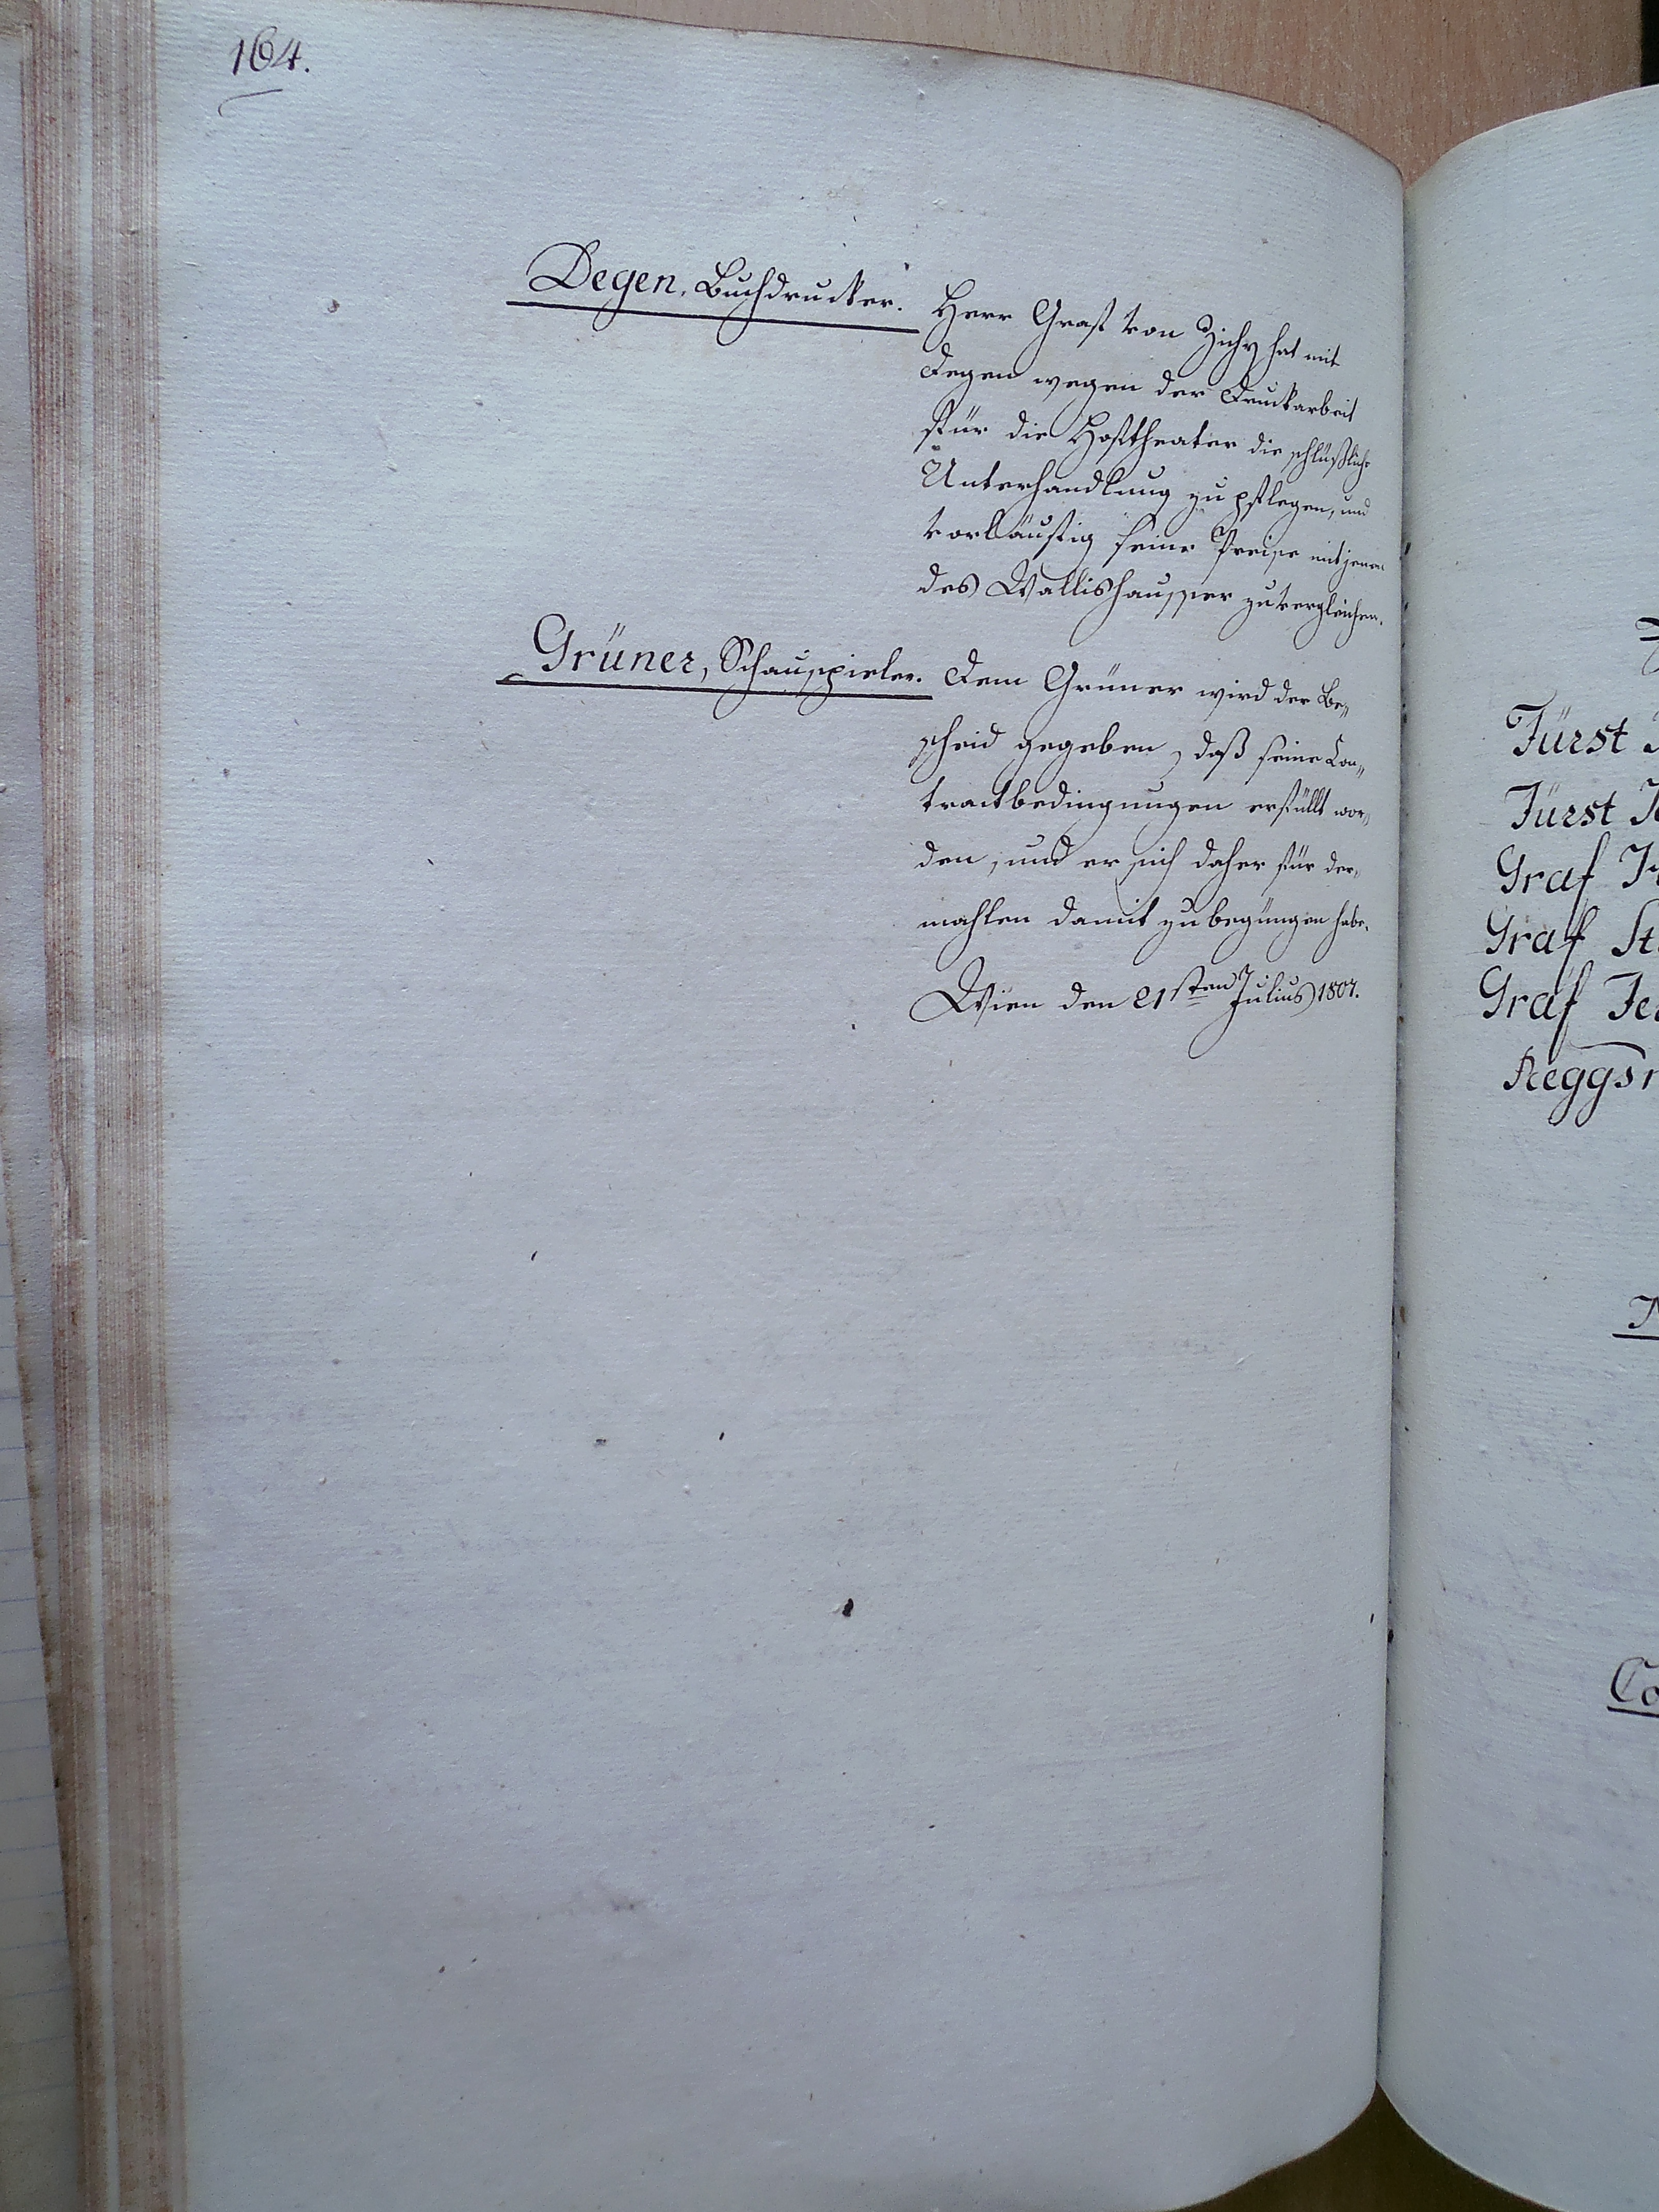164.
Degen, Buchdrucker. Herr Graf von Zichy hat mit
Degen wegen der Druckarbeit
für die Hoftheater die schriftliche
Unterhandlung zu pflegen, und
vorläufig seine Preise mit jenen
des Wallishausser zuvergleichen.
Grüner, Schauspieler. Dem Grüner wird der Be¬
scheid gegeben, daß seine Con¬
tractbedingungen erfüllt wor¬
den, und er sich daher für der
mahlen damit zu begnügen habe.
Wien den 21ste͇n Julius 1807.